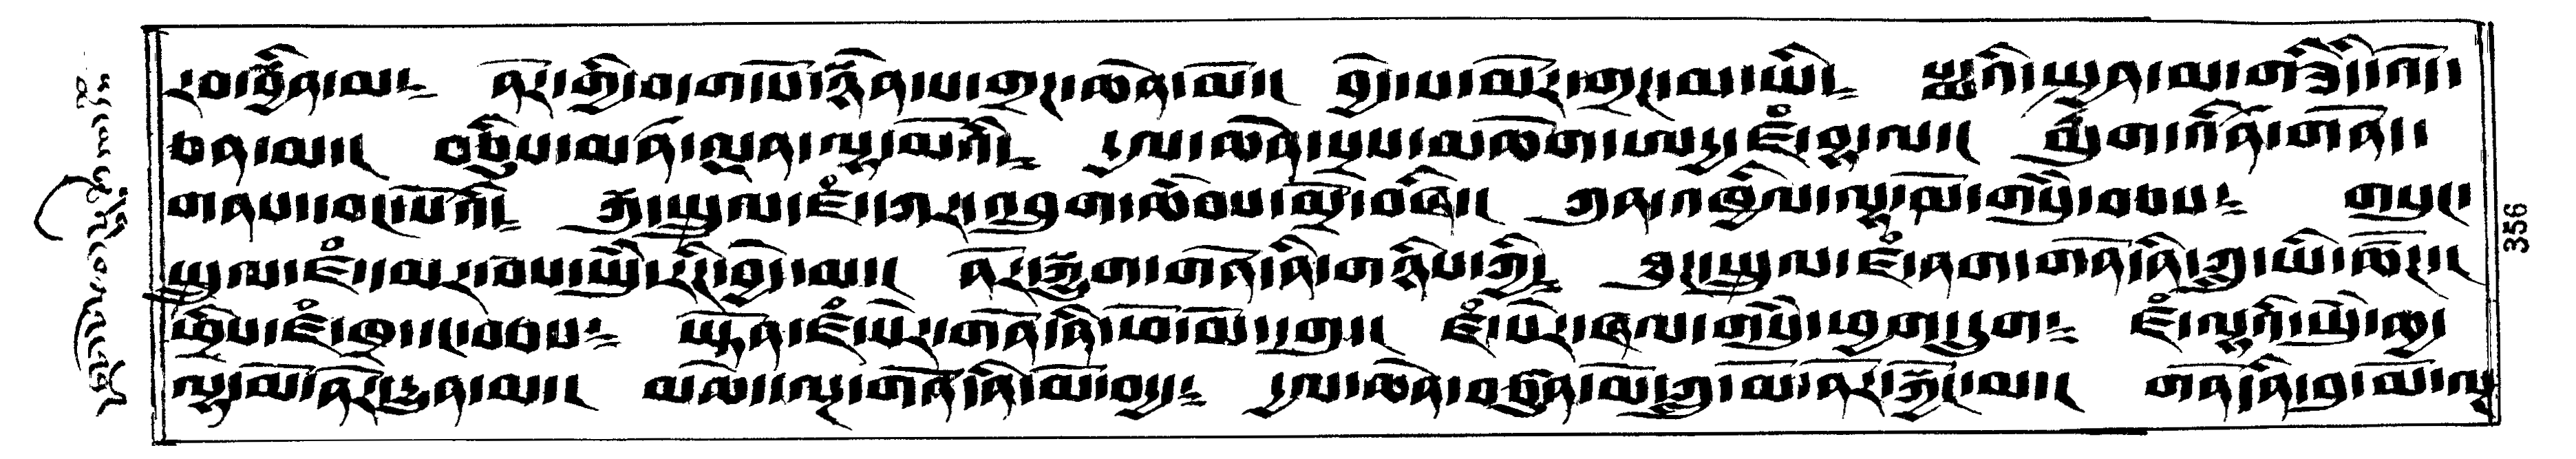རབ་སྦྱིན་མ༴ ནོར་གྱི་བདག་པོ་སྙན་པ་གྲགས་ཆེན་མོ། །བྱེད་པ་མོར་གྲགས་མ་ཡི༴ པདྨའི་སྤྱན་མ་གཟི་བརྗིད་འོད་
ཅན་མ། །བཅུ་གཉིས་མཚན་ལྡན་ལྷ་མོའི༴ རྒྱལ་ཆེན་སྲས་མཆོག་ཨརྻ་ཛཾ་བྷ་ལ། །རྨུགས་འཛིན་གནོད་
གནས་དབང་པོའི༴ སྐུ་སྤྲུལ་ཛཾ་དཀར་འབྲུག་ཆིབས་མཁའ་འགྲོ་བཞི། །ཀུན་འཁྱིལ་ལྷ་མོ་གསུམ་བཅས༴ གསུང་
སྤྲུལ་ཛཾ་དམར་སྦས་ཡུམ་རིགས་བྱེད་མ། །ནོར་སྐྱུག་གནོད་སྦྱིན་གཉིས་ཀྱི༴ །ཐུགས་སྤྲུལ་ཛཾ་ནག་གནོད་སྦྱིན་ཀླུ་ཡི་ཚོགས། །
ཕྲིན་ལས་ཛཾ་ཁྲ་དང་བཅས༴ ཡོན་ཏན་ཛཾ་སེར་གནོད་སྦྱིན་ཕོ་མོ་དགུ། །ཛཾ་སེར་ཞལ་གསུམ་ཕྱག་དྲུག༴ །ཛཾ་ལྷའི་ཡུམ་མཆོག་
ལྷ་མོ་ནོར་རྒྱུན་མ། །མཆེད་ལྔ་གནོད་སྦྱིན་མོ་བརྒྱད༴ །རྒྱལ་ཆེན་བཙུན་མོ་ཀླུ་མོ་ནོར་སྐྱོང་མ། །གནོད་སྦྱིན་བུ་མོ་ལྔ་